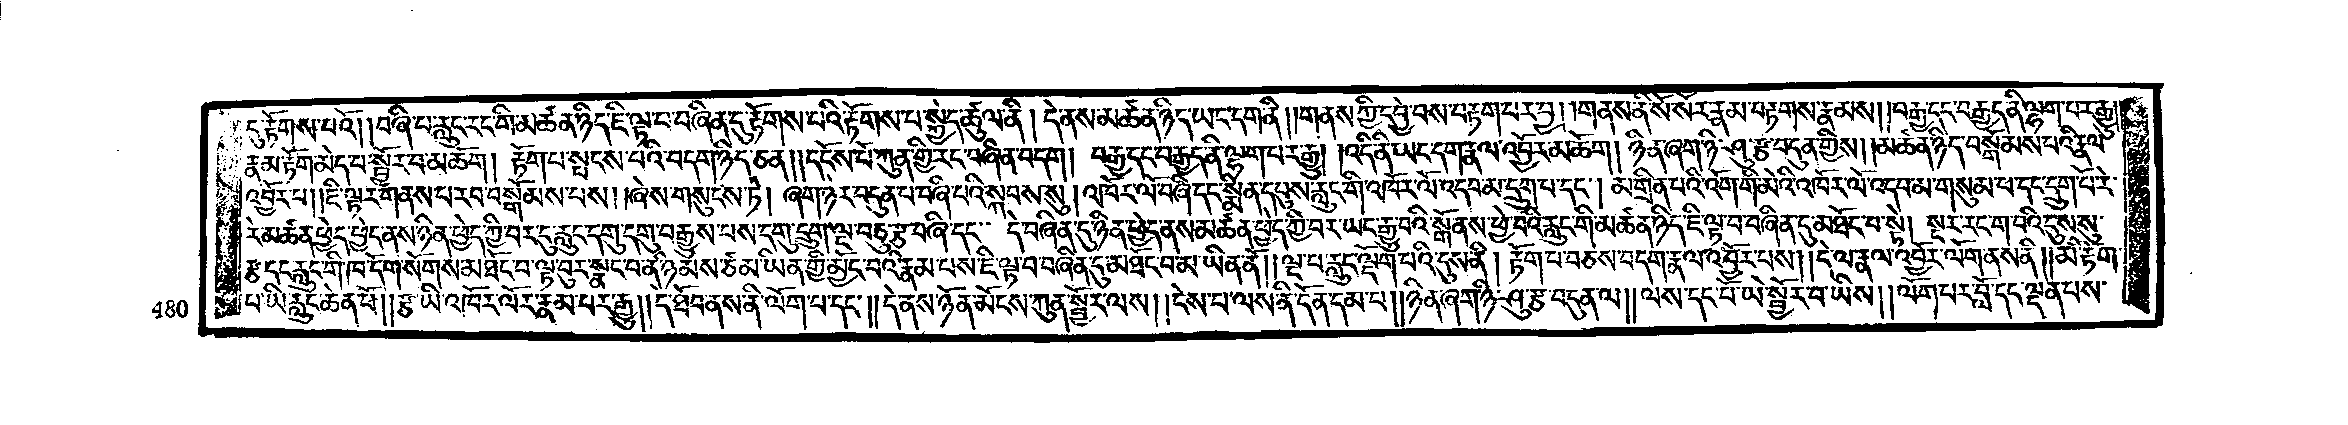དུ་རྟོགས་པའོ། །བཞི་པ་རླུང་རང་གི་མཚན་ཉིད་ཇི་ལྟ་བ་བཞིན་དུ་རྟོགས་པའི་རྟོགས་པ་སྐྱེད་ཚུལ་ནི། དེ་ནས་མཚན་ཉིད་ཡང་དག་ནི། །གནས་ཀྱི་དབྱེ་བས་བརྟག་པར་བྱ། །གནས་ནི་སོ་སོར་རྣམ་བརྟགས་རྣམས། །བརྒྱ་དང་བརྒྱད་ནི་ལྷག་པར་རྒྱུ།།
རྣམ་རྟོག་མེད་པ་སྦྱོར་བ་མཆོག །རྟོག་པ་སྤངས་པའི་བདག་ཉིད་ཅན། །དངོས་པོ་ཀུན་གྱི་རང་བཞིན་བདག །བརྒྱ་དང་བརྒྱད་ནི་ལྷག་པར་རྒྱུ། །འདི་ནི་ཡང་དག་རྣལ་འབྱོར་མཆོག །ཉིན་ཞག་ཉི་ཤུ་རྩ་བདུན་གྱིས། །མཚན་ཉིད་བསྒོམས་པའི་རྣལ་
འབྱོར་པ། །ཇི་ལྟར་གནས་པ་རབ་བསྒོམས་པས། །ཞེས་གསུངས་ཏེ། ཞག་ཉེར་བདུན་པ་བཞི་པའི་སྐབས་སུ། འཁོར་ལོ་བཞི་དང་སྨིན་དབུས་རླུང་གི་འཁོར་ལོ་འདབ་མ་དྲུག་པ་དང་། མགྲིན་པའི་འོག་གི་མེའི་འཁོར་ལོ་འདབ་མ་གསུམ་པ་དང་དྲུག་པོ་རེ་
རེ་མཚན་ཕྱེད་ཕྱེད་ནས་ཉིན་ཕྱེད་ཀྱི་བར་དུ་རླུང་དགུ་དགུ་བརྒྱུས་པས་དགུ་དྲུག་ལྔ་བཅུ་རྩ་བཞི་དང་དེ་བཞིན་དུ་ཉིན་ཕྱེད་ནས་མཚན་ཕྱེད་ཀྱི་བར་ཡང་རྒྱུ་བའི་སྒོ་ནས་ཕྱེ་བའི་རླུང་གི་མཚན་ཉིད་ཇི་ལྟ་བ་བཞིན་དུ་མཐོང་བ་སྟེ། སྔར་རང་ག་བའི་དུས་སུ་
རྩ་དང་རླུང་གི་ཁ་དོག་སོགས་མཐོང་བ་ལྟ་བུར་སྣང་བ་ནི་ཉམས་ཙམ་ཡིན་གྱི་མྱོང་བའི་རྣམ་པས་ཇི་ལྟ་བ་བཞིན་དུ་མཐོང་བ་མ་ཡིན་ནོ། །ལྔ་པ་རླུང་ལྡོག་པའི་དུས་ནི། རྟོག་པ་བཅེས་བདག་རྣལ་འབྱོར་པས། །དེ་ལ་རྣལ་འབྱོར་ལོག་ནས་ནི། །མི་རྟོག་
པ་ཡི་རླུང་ཆེན་པོ། །རྩ་ཡི་འཁོར་ལོར་རྣམ་པར་རྒྱུ། །དེ་ཐོབ་ནས་ནི་ལོག་པ་དང་། །དེ་ནས་ཉོན་མོངས་ཀུན་སྦྱོར་ལས། །ངེས་པ་ལས་ནི་དོན་དམ་པ། །ཉིན་ཞག་ཉི་ཤུ་རྩ་བདུན་ལ། །ལས་དང་པོ་ཡི་སྦྱོར་བ་ཡིས། །ལོག་པར་བློ་དང་ལྡན་པས་